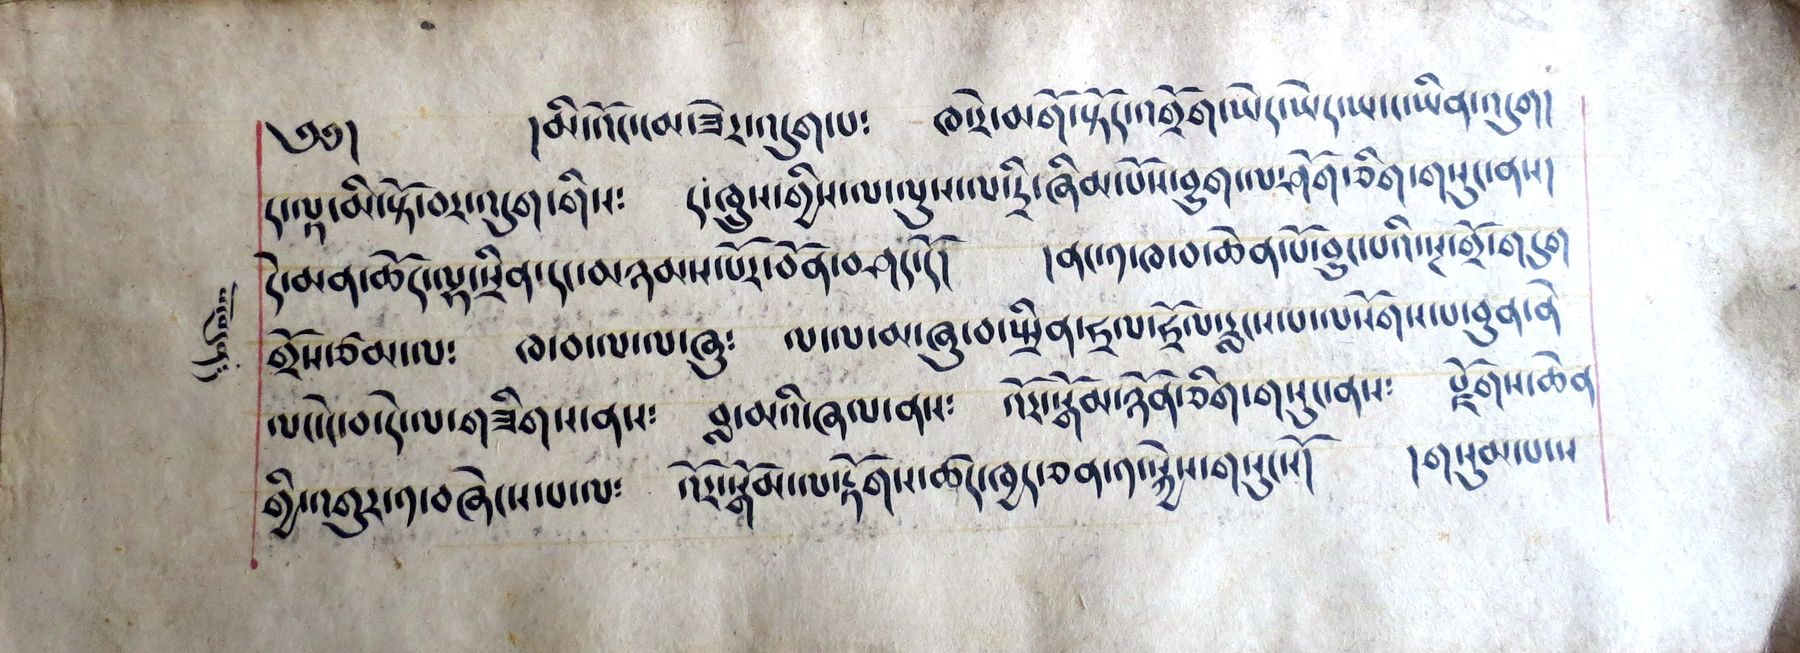མི་འོང་ངམ་ཟེར་འདུག་པ། ཁ་རེ་མགོ་སྟོད། འགྲོག་ཡེད་ཡེད་ཡ་ང་ཡིན་འདུག 
ད་ལྟ་མི་ལྟོ་བར་འདུག་གི། ད་ཁྲུས་གྱིས་ལ་ལུས་ལ་དྲི་ཞིམ་པོ་བྱུགས་ལ་ཤོག་ཅིག་གསུངས་ནས། 
དེ་མན་ཆོད་ལྷ་སྲིན་དང་མཉམ་པོར་བོན་ཞུས་སོ། །ནང་ཞིག་ཁ་བ་ཆེན་པོ་བྱུང་བའི་སྔ་དྲོ་གདུགས་
དྲོས་ཙམ་ན། ཁ་བ་ལ་ལ་ཞུ། ལ་ལ་མ་ཞུ་བ། སྤྲིན་ཧྲལ་ཧྲོལ་རླངས་པ་ལས་སོགས་པ་བུན་ནེ་
ལོང་ངེ་བ་དེ་ལ་གཟིགས་ནས། འོར་སྒོམ་ཉོན་ཅིག གསུངས་ནས། རྫོགས་ཆེན་
གྱི་མགུར་ཞིག་བཞེངས་པ་ལ། འོར་སྒོམ་ལ་རྟོགས་ཚད་ཁྱད་པར་ཅན་ཞིག་སྐྱེས་གསུངས་སོ། །གསུམ་པ་ས་